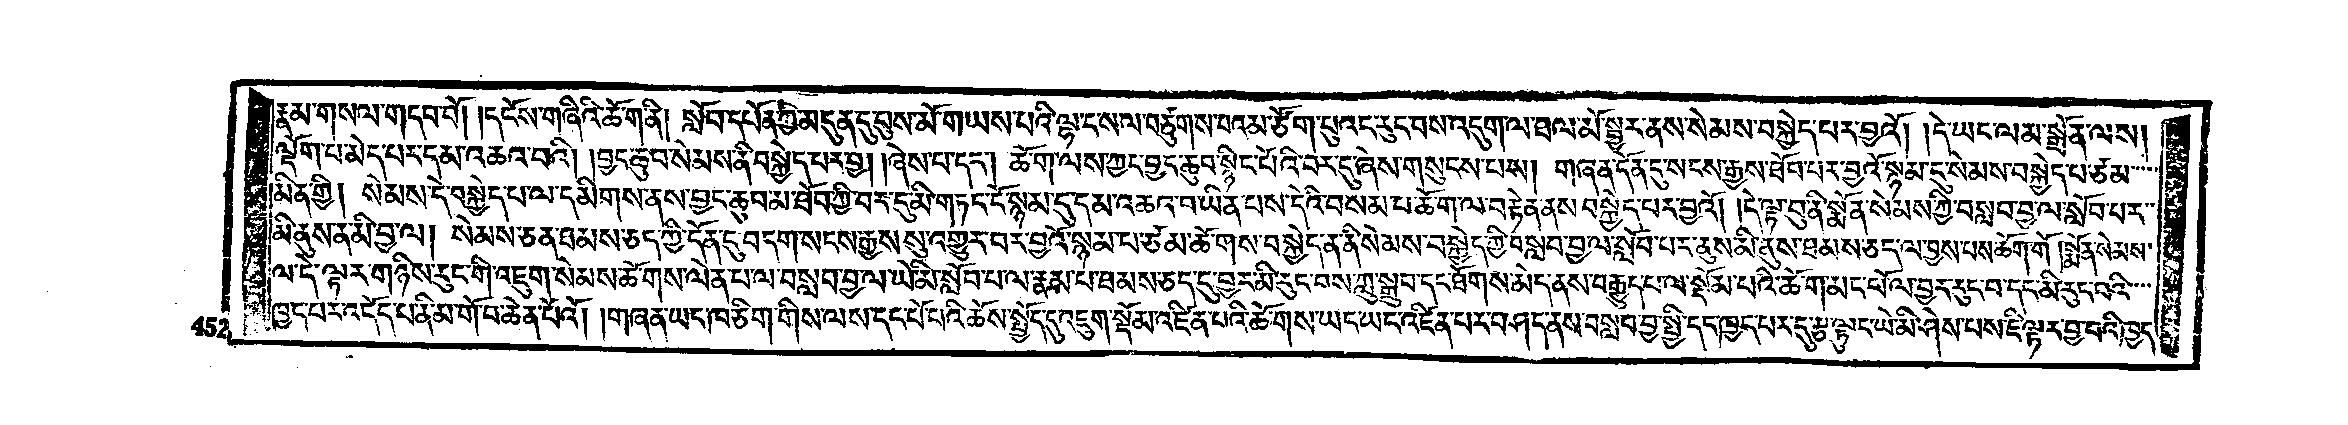རྣམ་གསལ་གདབ་བོ། །དངོས་གཞིའི་ཆོ་ག་ནི། སློབ་དཔོན་གྱི་མདུན་དུ་པུས་མོ་གཡས་པའི་ལྷ་ང་ས་ལ་བཙུགས་པའམ་ཙོག་པུའང་རུང་བས་འདུག་ལ་ཐལ་མོ་སྦྱར་ནས་སེམས་བསྐྱེད་པར་བྱའོ། །དེ་ཡང་ལམ་སྒྲོན་ལས།
ལྡོག་པ་མེད་པར་དམ་འཆའ་བའི། །བྱང་ཆུབ་སེམས་ནི་བསྐྱེད་པར་བྱ། །ཞེས་པ་དང་། ཆོ་ག་ལས་ཀྱང་བྱང་ཆུབ་སྙིང་པོའི་བར་དུ་ཞེས་གསུངས་པས། གཞན་དོན་དུ་སངས་རྒྱས་ཐོབ་པར་བྱའོ་སྙམ་དུ་སེམས་བསྐྱེད་པ་ཙམ་
མིན་གྱི། སེམས་དེ་བསྐྱེད་པ་ལ་དམིགས་ནས་བྱང་ཆུབ་མ་ཐོབ་ཀྱི་བར་དུ་མི་གཏང་ངོ་སྙམ་དུ་དམ་འཆའ་བ་ཡིན་པས་དེའི་བསམ་པ་ཆོ་ག་ལ་བརྟེན་ནས་བསྐྱེད་པར་བྱའོ། །དེ་ལྟ་བུ་ནི་སྨོན་སེམས་ཀྱི་བསླབ་བྱ་ལ་སློབ་པར་
མི་ནུས་ན་མི་བྱ་ལ། སེམས་ཅན་ཐམས་ཅད་ཀྱི་དོན་དུ་བདག་སངས་རྒྱས་སུ་འགྱུར་བར་བྱའོ་སྙམ་པ་ཙམ་ཆོ་གས་བསྐྱེད་ན་ནི་སེམས་བསྐྱེད་ཀྱི་བསླབ་བྱ་ལ་སློབ་པར་ནུས་མི་ནུས་ཐམས་ཅད་ལ་བྱས་པས་ཆོག་གོ །སྨོན་སེམས་
ལ་དེ་ལྟར་གཉིས་རུང་གི་འཇུག་སེམས་ཆོ་གས་ལེན་པ་ལ་བསླབ་བྱ་ལ་ཡེ་མི་སློབ་པ་ལ་རྣམ་པ་ཐམས་ཅད་དུ་བྱར་མི་རུང་བས་ཀླུ་སྒྲུབ་དང་ཐོགས་མེད་ནས་བརྒྱུད་པ་ལ་སྡོམ་པའི་ཆོ་ག་མང་པོ་ལ་བྱར་རུང་བ་དང་མི་རུང་བའི་
ཁྱད་པར་འདོད་པ་ནི་མ་གོ་བ་ཆེན་པོའོ། །གཞན་ཡང་ཁ་ཅིག་གིས་ལས་དང་པོ་པའི་ཆོས་སྤྱོད་དུ་འཇུག་སྡོམ་འཛིན་པའི་ཆོ་གས་ཡང་ཡང་འཛིན་པར་བཤད་ནས་བསླབ་བྱ་སྤྱི་དང་ཁྱད་པར་དུ་རྩ་ལྟུང་ཡེ་མི་ཤེས་པས་ཇི་ལྟར་བྱ་བའི་ཁྱད་